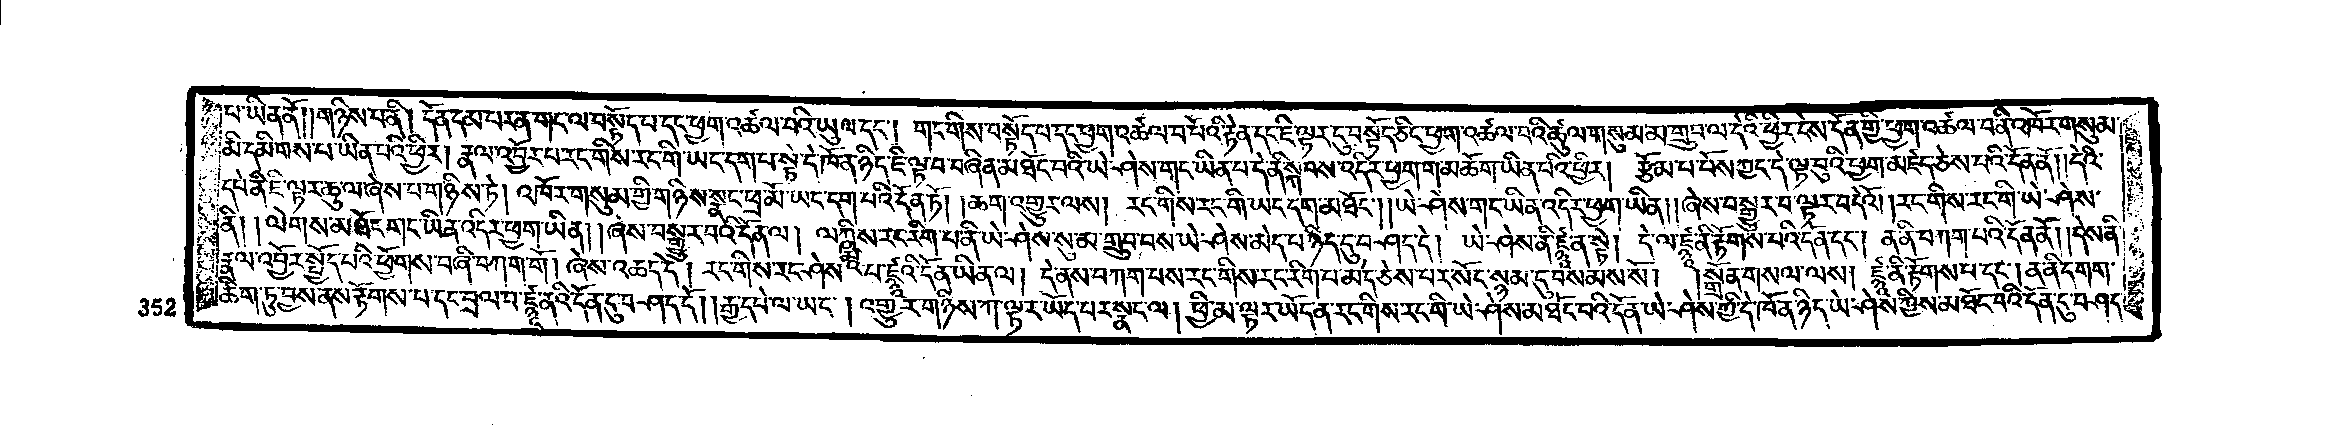པ་ཡིན་ནོ། །གཉིས་པ་ནི། དོན་དམ་པར་ན་གང་ལ་བསྟོད་པ་དང་ཕྱག་འཚལ་བའི་ཡུལ་དང་། གང་གིས་བསྟོད་པ་དང་ཕྱག་འཚལ་བ་པོའི་རྟེན་དང་ཇི་ལྟར་དུ་བསྟོད་ཅིང་ཕྱག་འཚལ་བའི་ཚུལ་གསུམ་མ་གྲུབ་ལ་དེའི་ཕྱིར་ངེས་དོན་གྱི་ཕྱག་འཚལ་བ་ནི་འཁོར་གསུམ་
མི་དམིགས་པ་ཡིན་པའི་ཕྱིར། རྣལ་འབྱོར་པ་རང་གིས་རང་གི་ཡང་དག་པ་སྟེ་དེ་ཁོ་ན་ཉིད་ཇི་ལྟ་བ་བཞིན་མཐོང་བའི་ཡེ་ཤེས་གང་ཡིན་པ་དེ་ནི་སྐབས་འདིར་ཕྱག་ག་མཆོག་ཡིན་པའི་ཕྱིར། རྩོམ་པ་པོས་ཀྱང་དེ་ལྟ་བུའི་ཕྱག་མཛད་ཅེས་པའི་དོན་ནོ། །དེའི་
དཔེ་ནི་ཇི་ལྟར་ཆུ་ལ་ཞེས་པ་གཉིས་ཏེ། འཁོར་གསུམ་གྱི་གཉིས་སྣང་ཕྲ་མོ་ཡང་དག་པའི་དོན་ཏོ། །ཆག་འགྱུར་ལས། རང་གིས་རང་གི་ཡང་དག་མཐོང་། །ཡེ་ཤེས་གང་ཡིན་འདིར་ཕྱག་ཡིན། །ཞེས་བསྒྱུར་བ་ལྟར་བདེའོ། །རང་གིས་རང་གི་ཡེ་ཤེས་
ནི། །ལེགས་མཐོང་གང་ཡིན་འདིར་ཕྱག་ཡིན། །ཞེས་བསྒྱུར་བའི་དོན་ལ། ལཀྵྨཱིས་རང་རིག་པ་ནི་ཡེ་ཤེས་སུ་མ་གྲུབ་པས་ཡེ་ཤེས་མེད་པ་ཉིད་དུ་བཤད་དེ། ཡེ་ཤེས་ནི་ཛྙཱ་ན་སྟེ། དེ་ལ་ཛྙཱ་ནི་རྟོགས་པའི་དོན་དང་། ན་ནི་བཀག་པའི་དོན་ནོ། །དེས་ནི་
རྣལ་འབྱོར་སྤྱོད་པའི་ཕྱོགས་བཞི་བཀག་གོ །ཞེས་འཆད་དོ། གིས་རང་ཤེས་པ་ཛཉཱི་དོན་ཡིན་ལ། དེ་ནས་བཀག་པས་རང་གིས་རང་རིག་པ་མེད་ཅེས་པར་སོང་སྙམ་དུ་བསམས་སོ། །སྒྲོན་གསལ་ལས། ཛཉཱ་ནི་རྟོགས་པ་དང་། ན་ནི་དགག་
ཚིག་ཏུ་བྱས་ནས་རྟོགས་པ་དང་བྲལ་བ་ཛྙཱ་ནའི་དོན་དུ་བཤད་དོ། །རྒྱ་དཔེ་ལ་ཡང་། འགྱུར་གཉིས་ཀ་ལྟར་ཡོད་པར་སྣང་ལ། ཕྱི་མ་ལྟར་ཡོད་ན་རང་གིས་རང་གི་ཡེ་ཤེས་མཐོང་བའི་དོན་ཡེ་ཤེས་ཀྱི་དེ་ཁོ་ན་ཉིད་ཡེ་ཤེས་ཀྱིས་མཐོང་བའི་དོན་དུ་བཤད་